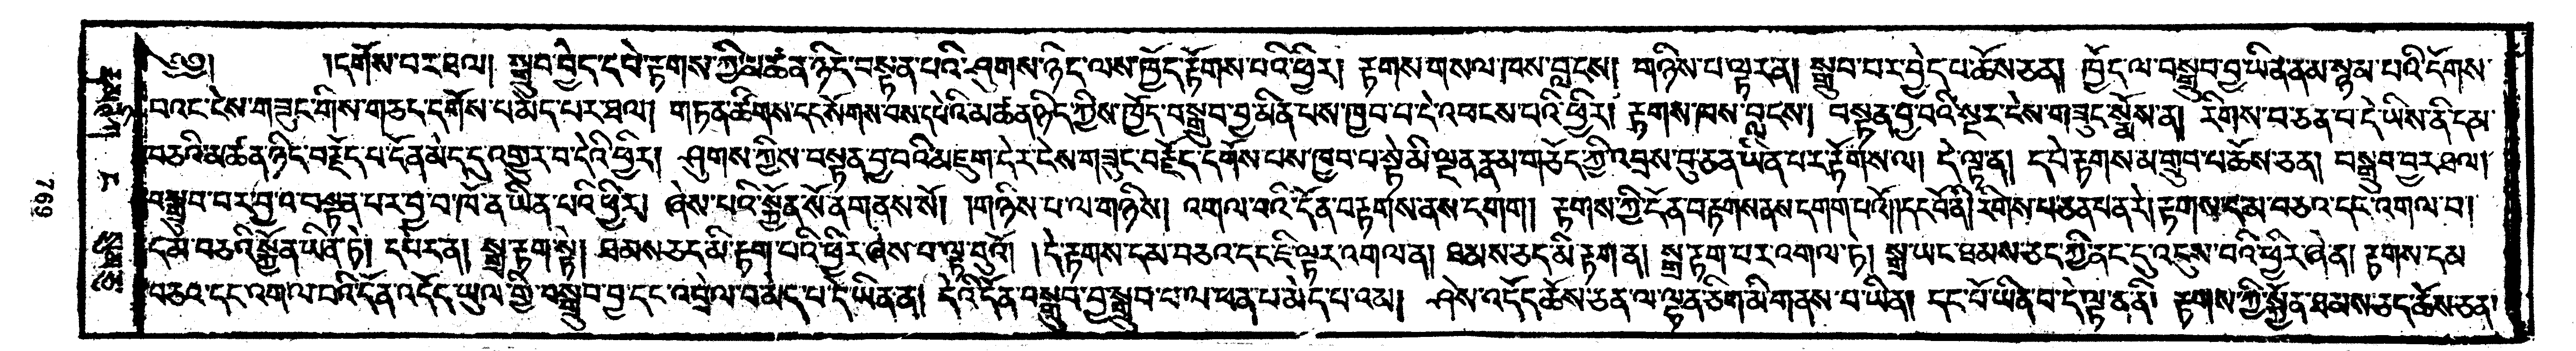༄༅། །དགོས་པར་ཐལ། སྒྲུབ་བྱེད་དཔེ་རྟགས་ཀྱི་མཚན་ཉིད་བསྟན་པའི་ཤུགས་ཉིད་ལས་ཁྱོད་རྟོགས་པའི་ཕྱིར། རྟགས་གསལ་ཁས་བླངས། གཉིས་པ་ལྟར་ན། སྒྲུབ་པར་བྱེད་པ་ཆོས་ཅན། ཁྱོད་ལ་བསྒྲུབ་བྱ་ཡིན་ནམ་སྙམ་པའི་དོགས་
པའང་ངེས་གཟུང་གིས་གཅད་དགོས་པ་མེད་པར་ཐལ། གཏན་ཚིགས་དང་སོགས་བས་དཔེའི་མཚན་ཉིད་ཀྱིས་ཁྱོད་བསྒྲུབ་པ་བྱ་མིན་པས་ཁྱབ་པ་དེ་འཕངས་པའི་ཕྱིར། རྟགས་ཁས་བླངས། བསྟན་བྱ་བའི་སྔར་ངེས་གཟུང་སྨོས་ན། རིགས་པ་ཅན་པ་དེ་ཡིས་ནི་དམ་
བཅའི་མཚན་ཉིད་བརྗོད་པ་དོན་མེད་དུ་འགྱུར་བ་དེའི་ཕྱིར། ཤུགས་ཀྱིས་བསྟན་བྱ་བའི་མཇུག་དེར་ངེས་གཟུང་བརྗོད་དགོས་པས་ཁྱབ་པ་སྟེ་མི་ལྡན་རྣམ་གཅོད་ཀྱི་འབྲས་བུ་ཅན་ཡིན་པར་རྟོགས་ལ། དེ་ལྟ་ན། དཔེ་རྟགས་མ་གྲུབ་པ་ཆོས་ཅན། བསྒྲུབ་བྱར་ཐལ།
བསྒྲུབ་པར་བྱ་བ་བསྟན་པར་བྱ་བ་ཁོ་ན་ཡིན་པའི་ཕྱིར། ཞེས་པའི་སྐྱོན་སོ་ན་གནས་སོ། །གཉིས་པ་ལ་གཉིས། འགལ་བའི་དོན་བརྟགས་ནས་དགག། རྟགས་ཀྱི་དོན་བརྟགས་ནས་དགག་པའོ། །དང་པོ་ནི། རིགས་པ་ཅན་པ་ན་རེ། རྟགས་དམ་བཅའ་དང་འགལ་བ།
དམ་བཅའི་སྐྱོན་ཡིན་ཏེ། དཔེར་ན། སྒྲ་རྟག་སྟེ། ཐམས་ཅད་མི་རྟག་པའི་ཕྱིར་ཞེས་པ་ལྟ་བུའོ། །དེ་རྟགས་དམ་བཅའ་དང་ཇི་ལྟར་འགལ་ན། ཐམས་ཅད་མི་རྟག་ན། སྒྲ་རྟག་པར་འགལ་ཏེ། སྒྲ་ཡང་ཐམས་ཅད་ཀྱི་ནང་དུ་འདུས་པའི་ཕྱིར་ཞེ་ན། རྟགས་དམ་
བཅའ་དང་འགལ་བའི་དོན་འདོད་ཡུལ་གྱི་བསྒྲུབ་བྱ་དང་འབྲེལ་བ་མེད་པ་དེ་ཡིན་ན། དེའི་དོན་བསྒྲུབ་བྱ་སྒྲུབ་པ་ལ་ཕན་པ་མེད་པའམ། ཤེས་འདོད་ཆོས་ཅན་ལ་ལྷན་ཅིག་མི་གནས་པ་ཡིན། དང་པོ་ཡིན་པ་དེ་ལྟ་ན་ནི། རྟགས་ཀྱི་སྐྱོན་ཐམས་ཅད་ཆོས་ཅན།